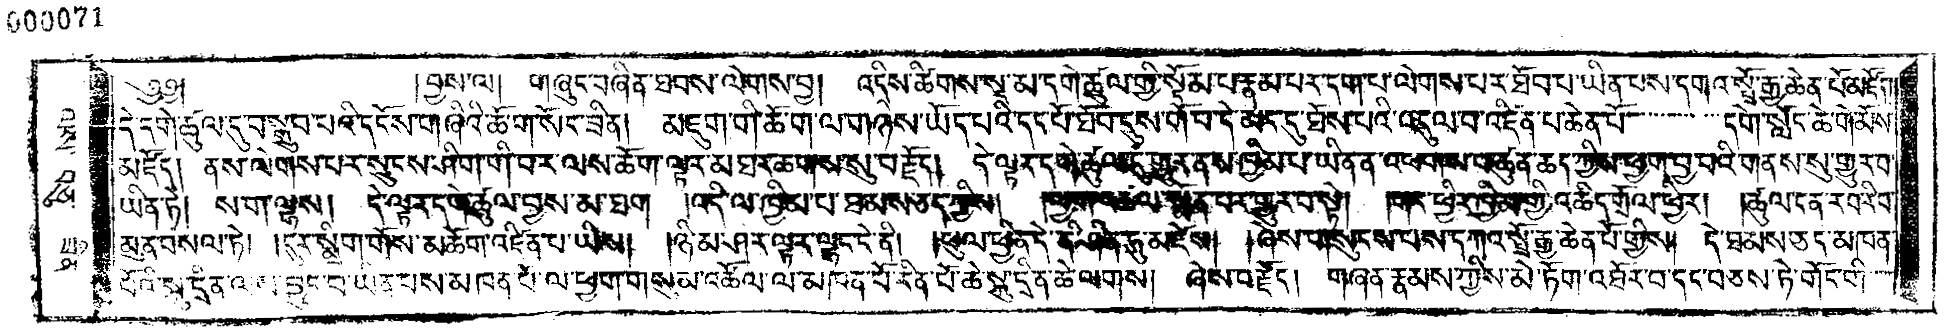༄༅། །བྱས་ལ། གཞུང་བཞིན་ཐབས་ལེགས་བྱ། འདིས་ཚིགས་སྔ་མ་དགེ་ཚུལ་གྱི་སྡོམ་པ་རྣམ་པར་དག་པ་ལེགས་པར་ཐོབ་པ་ཡིན་པས་དགའ་སྤྲོ་རྒྱ་ཆེན་པོ་མཛོད།
དེ་དགེ་ཚུལ་དུ་བསྒྲུབ་པའི་དངོས་གཞིའི་ཆོ་ག་སོང་ཟིན། མཇུག་གི་ཆོ་ག་ལ་གཉིས་ཡོད་པའི་དང་པོ་ཐོབ་དུས་གོ་བ་དེ་མང་དུ་ཐོས་པའི་འདུལ་བ་འཛིན་པ་ཆེན་པོ་དགེ་སློང་ཆེ་གེ་མོས་
མཛོད། ནས་ལེགས་པར་སྲུངས་ཤིག་གི་བར་ལས་ཆོག་ལྟར་མཐར་ཆགས་སུ་བརྗོད། དེ་ལྟར་དགེ་ཚུལ་དུ་གྱུར་ནས་ཁྱིམ་པ་ཡིན་ན་འཕགས་པ་ཚུན་ཆད་ཀྱིས་ཕྱག་བྱ་བའི་གནས་སུ་གྱུར་བ་
ཡིན་ཏེ། ས་ག་ལྷས། དེ་ལྟར་དགེ་ཚུལ་བྱས་མ་ཐག །འདི་ལ་ཁྱིམ་པ་ཐམས་ཅད་ཀྱིས། །ཕྱག་འཚལ་སྨོན་པར་གྱུར་བ་སྟེ། །གང་ཕྱིར་ཁྱིམ་གྱི་འཆིད་གྲོལ་ཕྱིར། །ཚུལ་ངན་རབ་རིབ་
མུན་བསལ་ཏེ། །ངུར་སྨྲིག་གོས་མཆོག་འཛིན་པ་ཡིས། །ཉི་མ་ཤར་ལྟར་ལྷང་དེ་ནི། །ཕུལ་ཕྱིན་དེ་ནི་ཤིན་ཏུ་མཛེས། །ཞེས་གསུངས་པས་དཀའ་སྤྲོ་རྒྱ་ཆེན་པོ་གྱིས། དེ་ཐམས་ཅད་མཁན་
པོའི་སྐུ་དྲིན་ལས་བྱུང་བ་ཡིན་པས་མཁན་པོ་ལ་ཕྱག་གསུམ་འཚོལ་ལ་མཁན་པོ་རིན་པོ་ཆེ་སྐུ་དྲིན་ཆེ་ལགས། ཞེས་བརྗོད། གཞན་རྣམས་ཀྱིས་མེ་ཏོག་འཐོར་བ་དང་བཅས་ཏེ་གོང་གི་